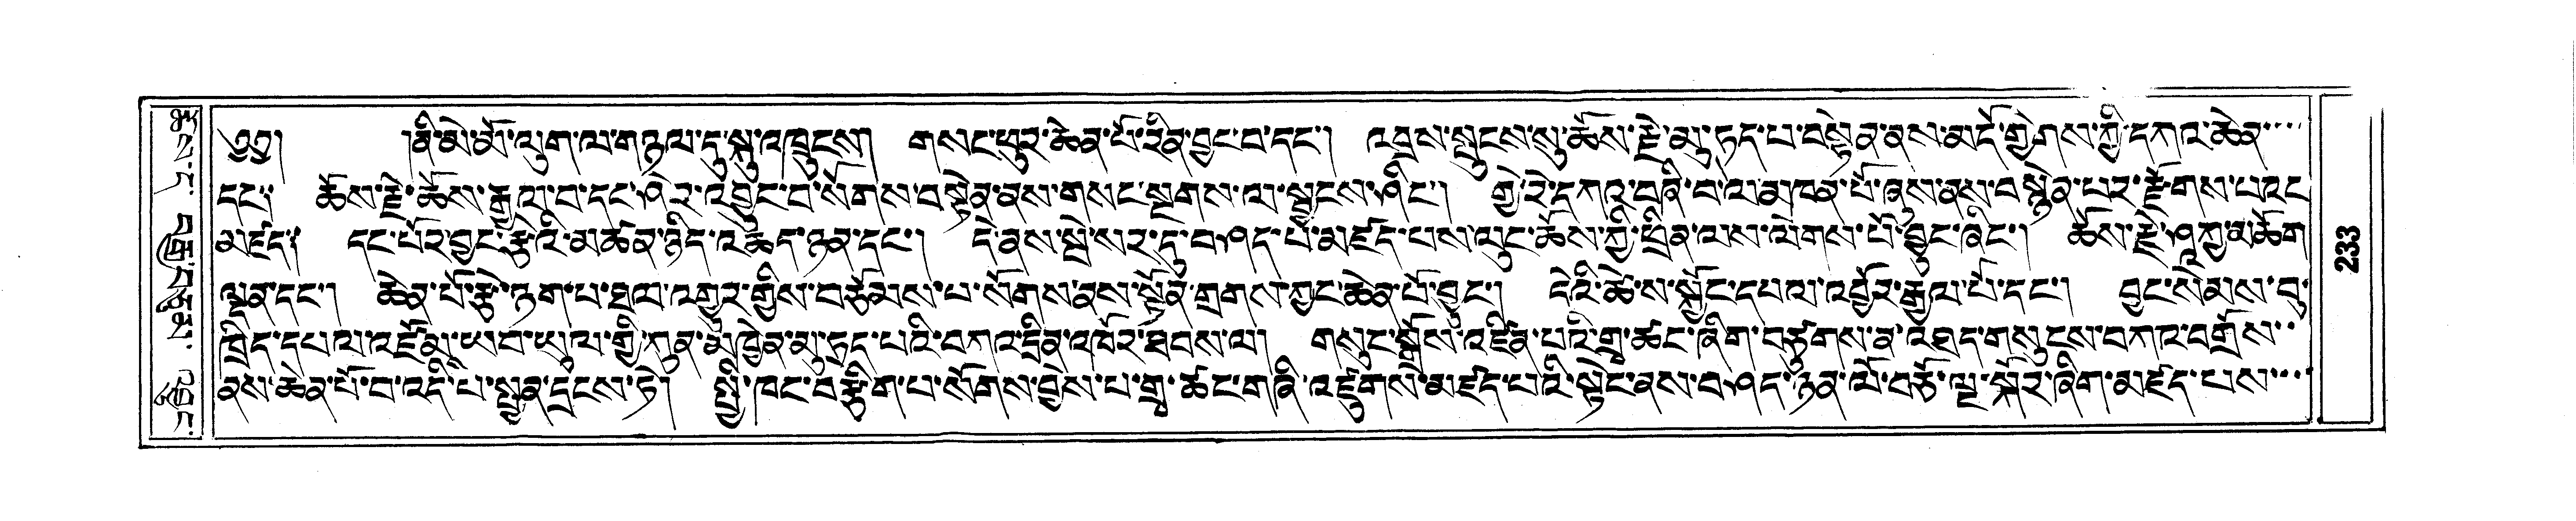༄༅། །ནི་མེ་མོ་ལུག་ལ་གཉལ་དུ་སྐུ་འཁྲུངས། གསང་ཕུར་ཆེན་པོ་རིན་བྱང་བ་དང་། འབྲས་སྤུངས་སུ་ཆོས་རྗེ་མུ་ཏད་པ་བསྟེན་ནས་མདོ་གྱེགས་ཀྱི་དཀའ་ཆེན་
དང༑ ཆོས་རྗེ་ཆོས་རྒྱལ་བ་དང་ཤེར་འབྱུང་བ་སོགས་བསྟེན་ནས་གསང་སྔགས་ལ་སྦྱངས་ཤིང་། གྱེ་རེ་དཀའ་བཞི་བ་ལ་མཁན་པོ་ཞུས་ནས་བསྙེན་པར་རྫོགས་པའང་
མཛད༑ དང་པོར་བྱང་རྩེའི་མཚན་ཉིད་འཆད་ཉན་དང་། དེ་ནས་སྦེ་སར་དུ་བཤད་པ་མཛད་པས་ལུང་ཆོས་ཀྱི་ཕྲིན་ལས་ལེགས་པོ་བྱུང་ཞིང་། ཆོས་རྗེ་ཤཱཀྱ་མཆོག་
ལྡན་དང་། ཆེན་པོ་རྩེ་ཉག་པ་ཐལ་འགྱུར་གྱིས་བཅོམས་པ་སོགས་ནས་སྟོན་གྲགས་ཀྱང་ཆེན་པོ་བྱུང་། དེའི་ཚེ་ས་སྐྱོང་དཔལ་འབྱོར་རྒྱལ་པོ་དང་། བྱང་སེམས་བུ་
ཁྲིད་དཔལ་འཛོམས་ཡབ་ཡུལ་གྱི་ཀུན་མཁྱེན་མུ་ཏྲད་པའི་བཀའ་དྲིན་འཁོར་ཐབས་ལ། གསུང་སྒྲོས་འཛིན་པའི་གྲྭ་ཚང་ཞིག་བཙུགས་ན་འཐད་གསུངས་བཀའ་བགྲོས་
ནས་ཆེན་པོ་བ་འདི་པ་སྤྱན་དྲངས་ཏེ། སྤྱི་ཁང་བརྩིག་པ་སོགས་བྱེས་པ་གྲྭ་ཚང་གཞི་འཛུགས་མཛད་པའི་སྟེང་ནས་བཤད་ཉན་ལོ་བཅོ་ལྔ་སྐོར་ཞིག་མཛད་པས་